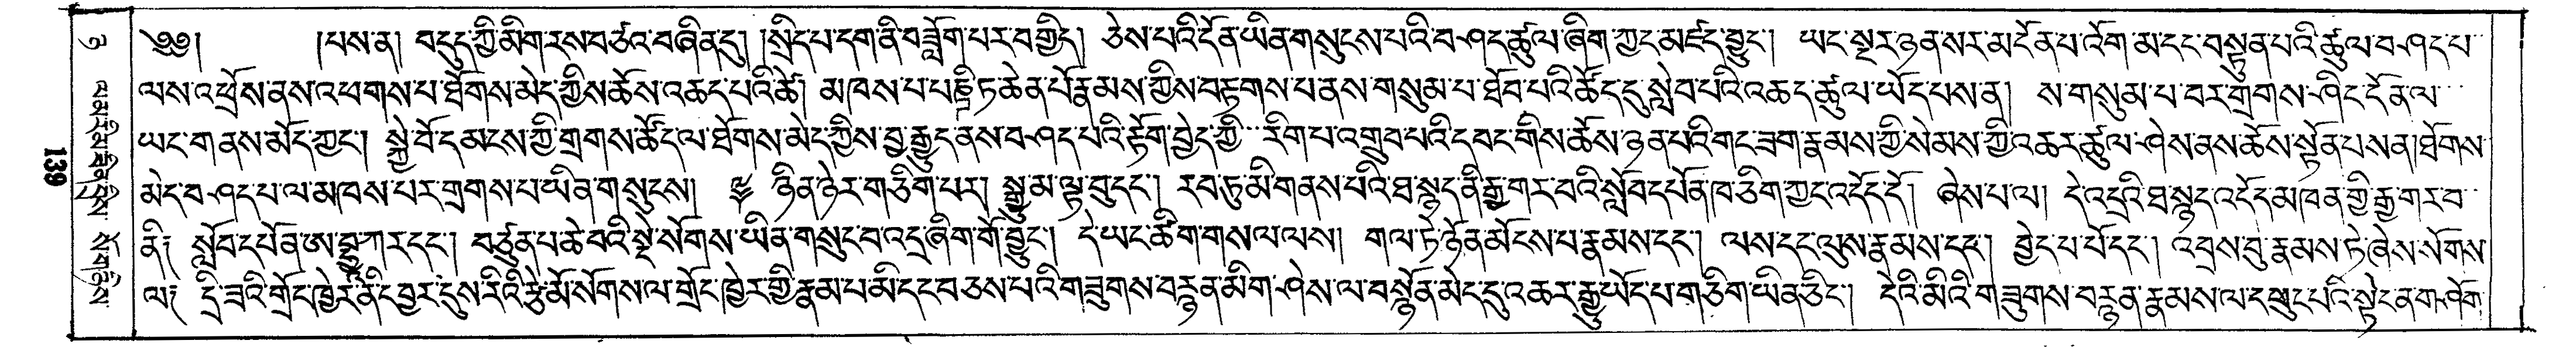༄༅། །པས་ན། བདུད་ཀྱི་མིག་རས་བཙའ་བཞིན་དུ། །སྲིད་པ་དག་ནི་བཟློག་པར་བགྱིད། ཅེས་པའི་དོན་ཡིན་གསུངས་པའི་བཤད་ཚུལ་ཞིག་ཀྱང་མཛད་བྱུང་། ཡང་སྔར་ཉན་སར་མངོན་པ་འོག་མ་དང་བསྟུན་པའི་ཚུལ་བཤད་པ་
ལས་འཕྲོས་ནས་འཕགས་པ་ཐོགས་མེད་ཀྱིས་ཆོས་འཆད་པའི་ཚེ། །མཁས་པ་པཎྜི་ཏ་ཆེན་པོ་རྣམས་ཀྱིས་བརྟགས་པ་ན་ས་གསུམ་པ་ཐོབ་པའི་ཚོད་དུ་སླེབ་པའི་འཆད་ཚུལ་ཡོད་པས་ན། ས་གསུམ་པ་བར་གྲགས་ཤིང་དོན་ལ་
ཡང་གནས་མོད་ཀྱང་། སྐྱེ་བོ་མདངས་ཀྱི་གྲགས་ཚོད་ལ་ཐོགས་མེད་ཀྱིས་བྱ་རྒྱུད་ནས་བཤད་པའི་རྟོག་བྱེད་ཀྱི་རིག་པ་འགྲུབ་པའི་དབང་གིས་ཆོས་ཉན་པའི་གང་ཟག་རྣམས་ཀྱི་སེམས་ཀྱི་འཆར་ཚུལ་ཤེས་ནས་ཆོས་སྟོན་པས་ན། ཐོགས་
མེད་བཤད་པ་ལ་མཁས་པར་གྲགས་པ་ཡིན་གསུངས། ༈ ཉིན་ཉེར་གཅིག་པར། སྒྱུ་མ་ལྟ་བུ་དང་། རབ་ཏུ་མི་གནས་པའི་ཐ་སྙད་ནི་རྒྱ་གར་བའི་སློབ་དཔོན་ཁ་ཅིག་ཀྱང་འདོད་དོ། ཞེས་པ་ལ། དེ་འདྲའི་ཐ་སྙད་འདོད་མཁན་གྱི་རྒྱ་གར་བ་
ནི༑ སློབ་དཔོན་ཨ་བྷྱཱ་ཀ་ར་དང་། བཙུན་པ་ཆེ་བའི་སྡེ་སོགས་ཡིན་གསུང་བ་འདྲ་ཞིག་གོ་བྱུང་། དེ་ཡང་ཚིག་གསལ་ལས། གལ་ཏེ་ཉོན་མོངས་པ་རྣམས་དང་། ལས་དང་ལུས་རྣམས་དང་། བྱེད་པ་པོ་དང་། འབྲས་བུ་རྣམས་ཏེ་ཞེས་སོགས་
ལ༑ དྲི་ཟའི་གྲོང་ཁྱེར་ནི་དབྱར་དུས་རིའི་རྩེ་མོ་སོགས་ལ་གྲོང་ཁྱེར་གྱི་རྣམ་པ་མི་ངང་བཅས་པའི་གཟུགས་བརྙན་མིག་ཤེས་ལ་བསྙོན་མེད་དུ་འཆར་རྒྱུ་ཡོད་པ་གཅིག་ཡིན་ཅིང་། དེའི་མིའི་གཟུགས་བརྙན་རྣམས་ལ་དཔུང་པའི་སྟེང་ན་གཤོག་